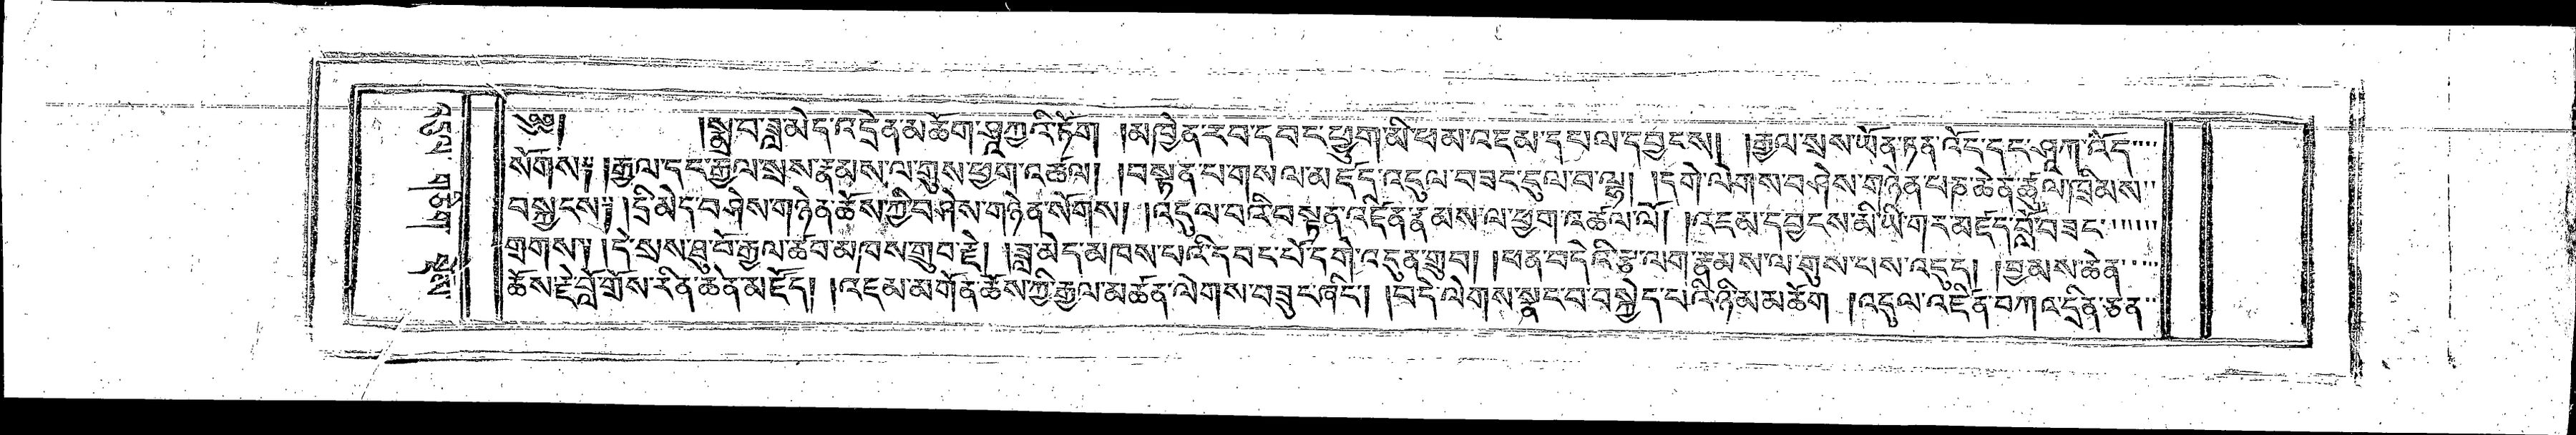༄༅། །སྨྲ་བ་ཟླ་མེད་འདྲེན་མཆོག་ཤཱཀྱའི་ཏོག །མཁྱེན་རབ་དབང་ཕྱུག་མི་ཕམ་འཇམ་དཔལ་དབྱངས། །རྒྱལ་སྲས་ཡོན་ཏན་འོད་དང་ཤྰྐྱ་འོད་
སོགས༑ །རྒྱལ་དང་རྒྱལ་སྲས་རྣམས་ལ་གུས་ཕྱག་འཚལ། །བསྟན་པ་གསལ་མཛད་འདུལ་བཟང་དུལ་བ་ལྷ། །དགེ་ལེགས་བཤེས་གཉེན་པཎ་ཆེན་ཚུལ་ཁྲིམས་
བསྐྱངས༑ །དྲི་མེད་བཤེས་གཉེན་ཆོས་ཀྱི་བཤེས་གཉེན་སོགས། །འདུལ་བའི་བསྟན་འཛིན་རྣམས་ལ་ཕྱག་འཚལ་ལོ། །འཇམ་དབྱངས་མི་ཡི་གར་མཛད་བློ་བཟང་
གྲགས༑ །དེ་སྲས་ཐུ་བོ་རྒྱལ་ཚབ་མཁས་གྲུབ་རྗེ། །ཟླ་མེད་མཁས་པའི་དབང་པོ་དགེ་འདུན་གྲུབ། །ཕན་བདེའི་རྩ་ལག་རྣམས་ལ་གུས་པས་འདུད། །བྱམས་ཆེན་
ཆོས་རྗེ་བློ་གྲོས་རིན་ཆེན་མཛོད། །འཇམ་མགོན་ཆོས་ཀྱི་རྒྱལ་མཚན་ལེགས་བཟུང་ཞིང་། །བདེ་ལེགས་སྣང་བ་བསྐྱེད་པའི་ཉི་མ་མཆོག །འདུལ་འཛིན་བཀའ་དྲིན་ཅན་